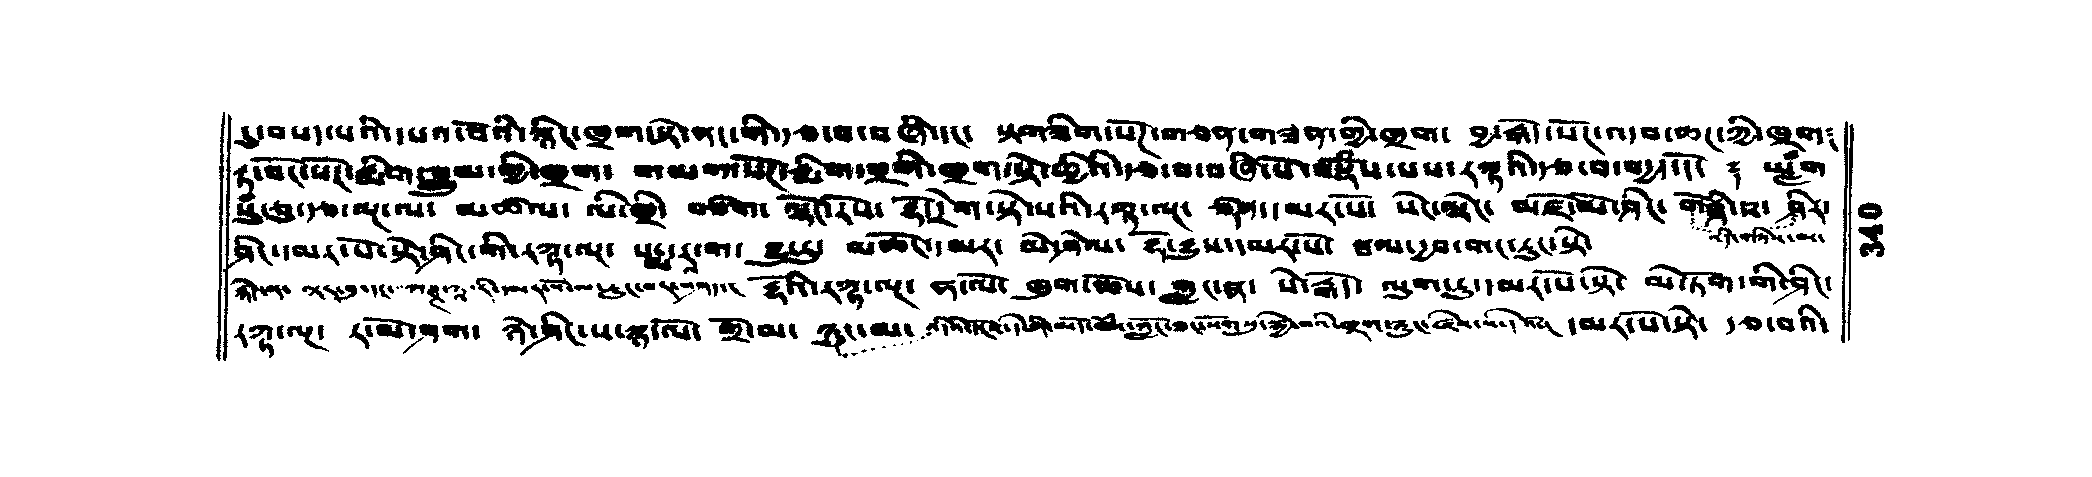དུ་བསད་པའི་དཔའ་བོའི་ཁྲག་སྟེ་ནང་གི་རྩ་བ་བཞི་དང་། སྟག་གཟིག་སོགས་གཅན་གཟན་གྱི་ཁྲག་
བྱ་རྒོད་སོགས་འདབ་ཆགས་ཁྲག་གཡག་སོགས་རྨིག་ཁྲག་གི་ཁྲག་སྟེ་ཕྱིའི་རྩ་བ་བཞི་པོ་བསྡོམས་པས་རཀྟའི་རྩ་བ་བརྒྱད་དོ། ༈ ཡན་ལག་
སུམ་ཅུ་རྩ་ལྔ་ལས། མཚལ། ལི་ཁྲི། བཙག་ལྷོང་རོས། རྡོ་རྗེ་དྲེག་སྟེ་སའི་རཀྟ་ལྔ་། ཙན་དན་དམར་པོ། སེང་ལྡེང་། མཛོ་མོ་ཤིང་། གོརྴི་ར། ཤིར་
ཤིང་དམར་པོ་སྟེ་ཤིང་གི་རཀྟ་ལྔ་ 1$0000180འདི་གཉིས་མ་རྙེད་ན། ལྟར་བུ་དང་ཀཎྚ་ཀཱ་རི་དམར་པོ་ལ་རུང་བར་བཤད། 1$0000250པདྨ་རཱ་ག་བྱུ་རུ། མཆོང་དམར། མེ་ཤེལ། རྡོ་རྒྱུས་དམར་པོ། སྦལ་རྒྱབ་གང་རུང་སྟེ། 
རྐོད་ན། ལྟར་བུ་དང་ཀཊྚ་ཀཱ་རི་དམར་པོ་ལ་ལ་རླུང་བར་བཤད། རྡོའི་རཀྟ་ལྔ། ན་མོ། ཁུག་ཆོས། གླང་ན།་སེ་རྒོད། ལུག་ཏུ་དམར་པོ་སྟེ། མེ་ཏོག་གི་ཤིང་
རཀྟ་ལྔ་། ར་མོ་ཤག་ཉེ་ཤིང་ས་སྙ་ལོ། གྲོ་མ། ཉུང་མ། 1$10001801$0000180འདིའི་དངོས་དེ་ནི་མདོ་ཁམས་ཀློང་ཐང་སོགས་སུ་སྐྱེ་བའི་ཁྲག་ཉུང་ཞེས་པ་དེའོ། 1$10002501$0000250དམར་པོ་སྟེ། རྩ་བའི་